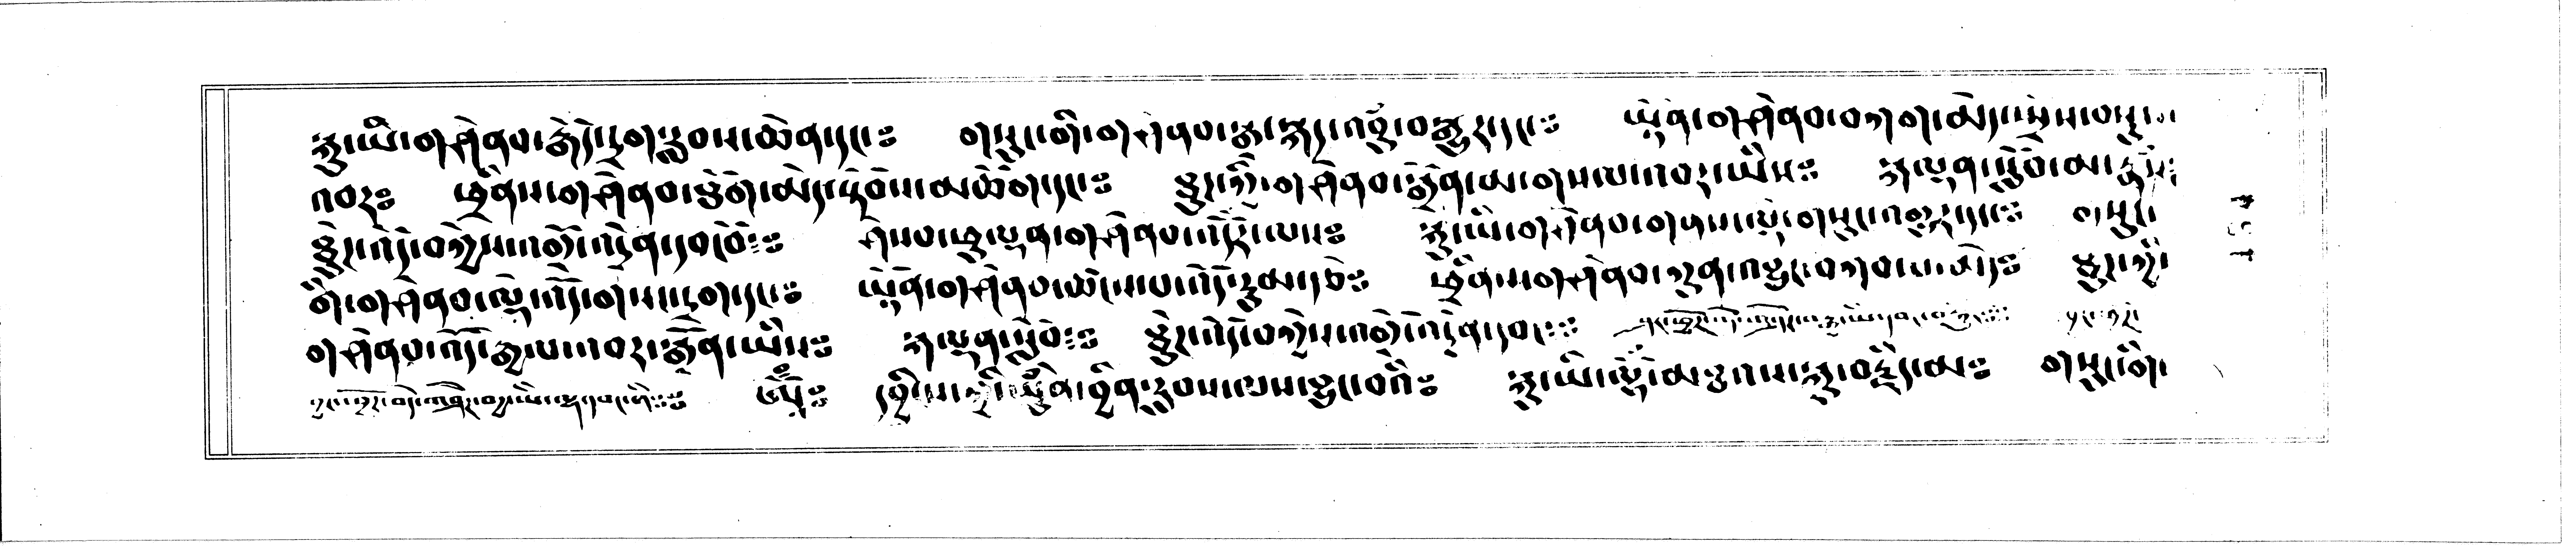སྐུ་ཡི་གཤེན་རབ རྒོད་དྲག་རླབས་ཆེན་དངཿ གསུང་གི་གཤེན་རབ་སྒྲ་སྐད་འབུམ་བསྒྱུར་དངཿ ཡོན་ཏན་གྱི་གཤེན་རབ་བཀག་མེད་སྤྲོ་བསྡུ་
འབར་དངཿ ཕྲིན་ལས་ཀྱི་གཤེན་རབ་ཐོགས་མེད་སྟོབས་མཆོག་དངཿ ཐུགས་ཀྱི་གཤེན་རབ་སྒྲོན་མ་གསལ་འབར་ཡིསཿ སྐལ་ལྡན་སློབ་མ་རྣམས་ལ་དབང་བསྐུར་བསཿ 
ཐུགས་རྗེ་འོད་བཀྱེས་འགྲོ་འདྲེན་དབང་ཐོབ་ཤོགཿ ཤེས་རབ་ཕུལ་ལྡན་གཤེན་རབ་འོད་ཟེར་ལསཿ སྐུ་ཡི་གཤེན་རབ་གནམ་ལྡེ་གསུང་འགྱུར་དངཿ གསུང་
གི་གཤེན་རབ་ལྡེ་འོད་གསང་གྲགས་དངཿ ཡོན་ཏན་གྱི་གཤེན་རབ་ཚངས་པ་འོད་རུམ་རྩེ་དངཿ ཕྲིན་ལས་ཀྱི་གཤེན་རབ་ཀུན་འབྱུང་བཀག་པ་མེད་དངཿ ཐུགས་ཀྱི་
གཤེན་རབ་འོད་རྒྱལ་འབར་སྒྲོན་ཡིསཿ སྐལ་ལྡན་སློབ་མ་རྣམས་ལ་དབང་བསྐུར་བསཿ ཐུགས་རྗེ་འོད་བཀྱེས་འགྲོ་འདྲེན་དབང་ཐོབ་ཤོགཿ ཤར་ཕྱོགས་བདེར་གཤེགས་བརྒྱ་ཡི་དབང་བསྐུར་རོཿ ༼བྱང༽
བྱང་ཕྱོགས་བདེར་གཤེགས་བརྒྱ་ཡི་ལྷ་དབང་ནིཿ ཨཱོྃཿ དབྱིངས་ཀྱི་ཡུམ་ཆེན་བྱིན་རླབས་ལས་བྱུང་བའིཿ སྐུ་ཡི་ལྷ་མོ་མཐའ་ཡས་སྐུ་བརྗིད་མཿ གསུང་གི་